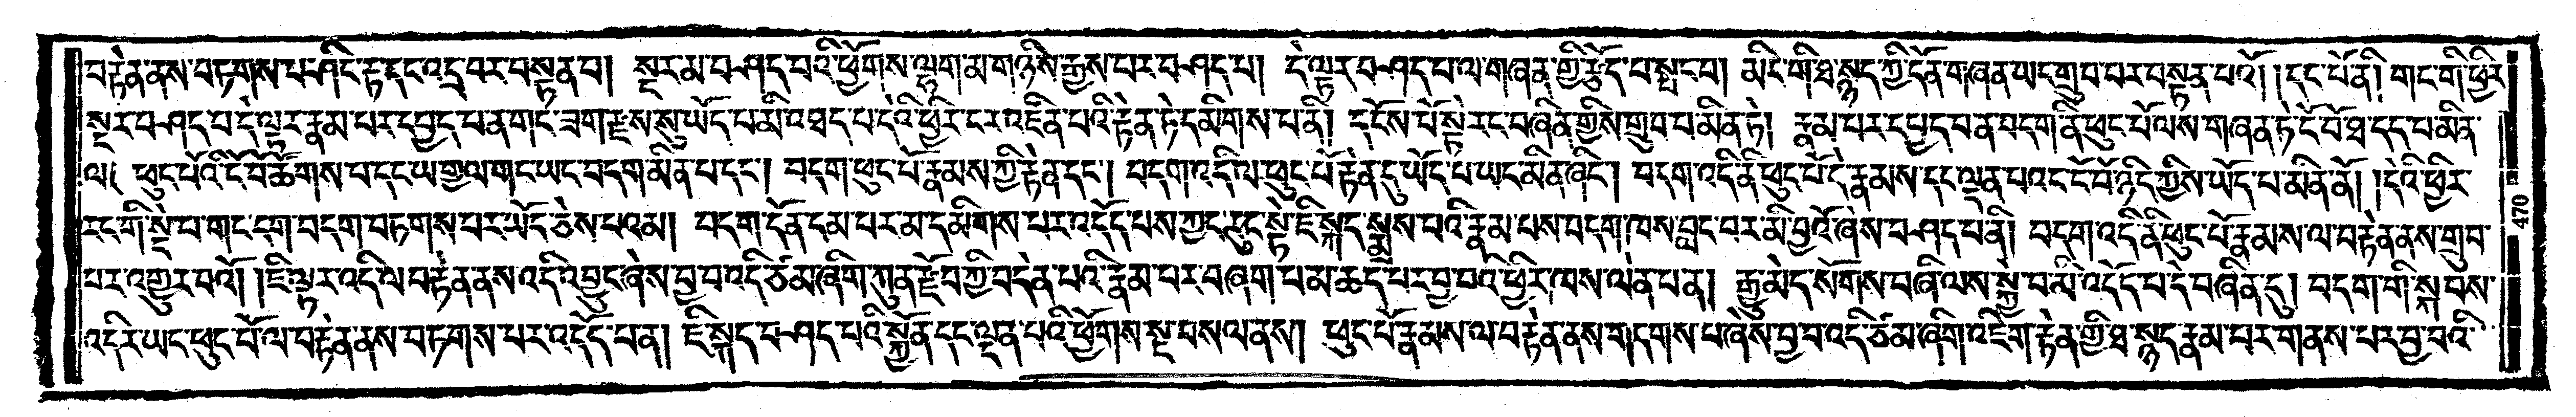བརྟེན་ནས་བཏགས་པ་ཤིང་རྟ་དང་འདྲ་བར་བསྟན་པ། སྔར་མ་བཤད་པའི་ཕྱོགས་ལྷག་མ་གཉིས་རྒྱས་པར་བཤད་པ། དེ་ལྟར་བཤད་པ་ལ་གཞན་གྱི་རྩོད་པ་སྤང་བ། མིང་གི་ཐ་སྙད་ཀྱི་དོན་གཞན་ཡང་གྲུབ་པར་བསྟན་པའོ། །དང་པོ་ནི། གང་གི་ཕྱིར་
སྔར་བཤད་པ་དེ་ལྟར་རྣམ་པར་དཔྱད་པ་ན་གང་ཟག་རྫས་སུ་ཡོད་པ་མི་འཐད་པ་དེའི་ཕྱིར་ངར་འཛིན་པའི་རྟེན་ཏེ་དམིགས་པ་ནི། དངོས་པོ་སྟེ་རང་བཞིན་གྱིས་གྲུབ་པ་མིན་ཏེ། རྣམ་པར་དཔྱད་པ་ན་བདག་ནི་ཕུང་པོ་ལས་གཞན་ཏེ་ངོ་བོ་ཐ་དད་པ་མིན་
ལ༑ ཕུང་པོའི་ངོ་བོ་ཚོགས་པ་དང་ཡ་གྱལ་གང་ཡང་བདག་མིན་པ་དང་། བདག་ཕུང་པོ་རྣམས་ཀྱི་རྟེན་དང་། བདག་འདི་ལ་ཕུང་པོ་རྟེན་དུ་ཡོད་པ་ཡང་མིན་ཞིང་། བདག་འདི་ནི་ཕུང་པོ་དེ་རྣམས་དང་ལྡན་པའང་ངོ་བོ་ཉིད་ཀྱིས་ཡོད་པ་མིན་ནོ། །དེའི་ཕྱིར་
རང་གི་སྡེ་པ་གང་དག་བདག་བཏགས་པར་ཡོད་ཅེས་པའམ། བདག་དོན་དམ་པར་མ་དམིགས་པར་འདོད་པས་ཀྱང་རུང་སྟེ་ཇི་སྐད་སྨྲས་པའི་རྣམ་པས་བདག་ཁས་བླང་བར་མི་བྱའོ་ཞེས་བཤད་པ་ནི། བདག་འདི་ནི་ཕུང་པོ་རྣམས་ལ་བརྟེན་ནས་གྲུབ་
པར་འགྱུར་བའོ། །ཇི་ལྟར་འདི་ལ་བརྟེན་ནས་འདི་འབྱུང་ཞེས་བྱ་བ་འདི་ཙམ་ཞིག་ཀུན་རྫོབ་ཀྱི་བདེན་པའི་རྣམ་པར་བཞག་པ་མ་ཆད་པར་བྱ་བའི་ཕྱིར་ཁས་ལེན་པ་ན། རྒྱུ་མེད་སོགས་བཞི་ལས་སྐྱེ་བ་མི་འདོད་པ་དེ་བཞིན་དུ། བདག་གི་སྐབས་
འདིར་ཡང་ཕུང་པོ་ལ་བརྟེན་ནས་བཏགས་པར་འདོད་པ་ན། ཇི་སྐད་བཤད་པའི་སྐྱོན་དང་ལྡན་པའི་ཕྱོགས་སྔ་བསལ་ནས། ཕུང་པོ་རྣམས་ལ་བརྟེན་ནས་གདགས་པ་ཞེས་བྱ་བ་འདི་ཙམ་ཞིག་འཇིག་རྟེན་གྱི་ཐ་སྙད་རྣམ་པར་གནས་པར་བྱ་བའི་